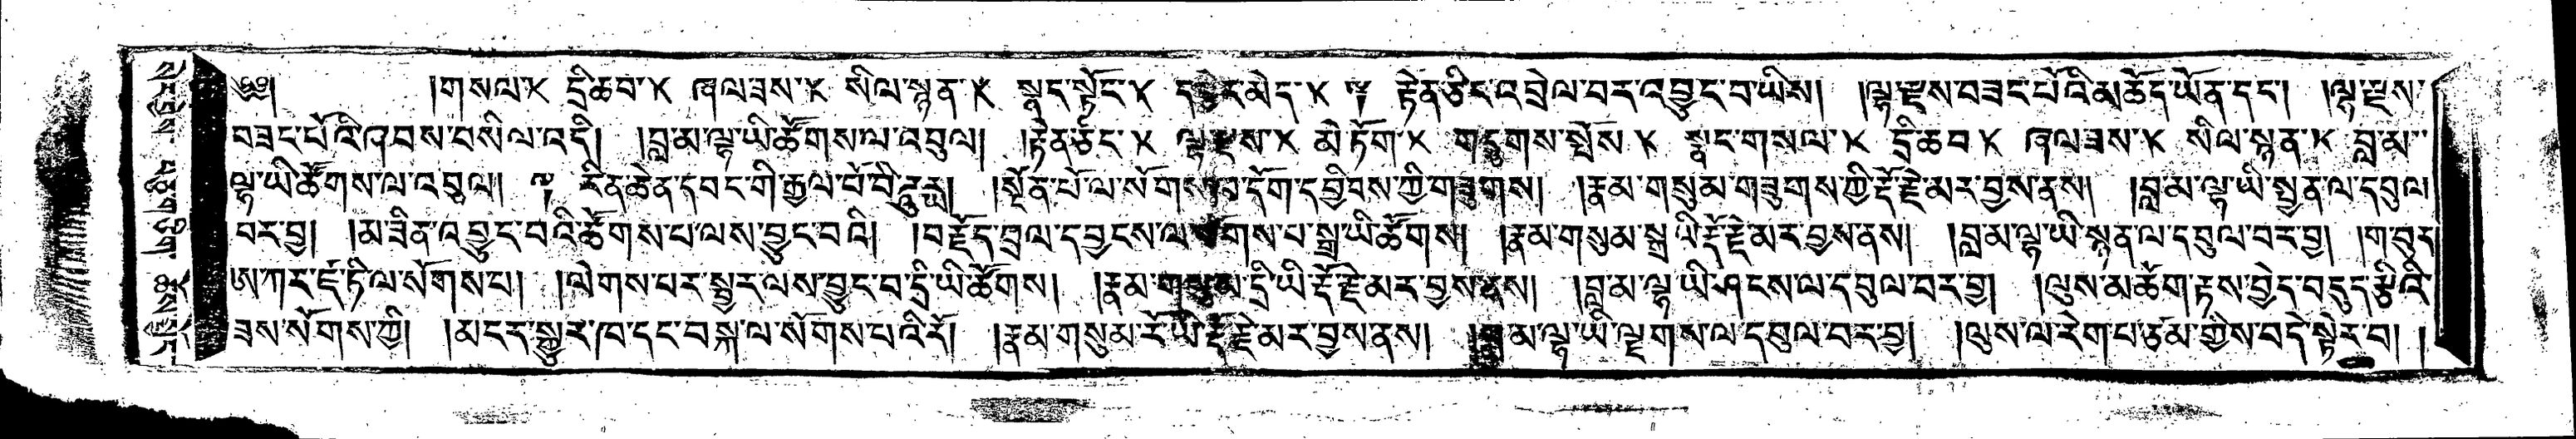༄༅། །གསལ་{྾}་དྲི་ཆབ་{྾}་ཞལ་ཟས་{྾}་སིལ་སྙན་{྾}་སྣད་སྟོང་{྾}་དབྱེར་མེད་{྾}་༈ རྟེན་ཅིང་འབྲེལ་བར་འབྱུང་བ་ཡིས། ལྷ་རྫས་བཟང་པོའི་མཆོད་ཡོན་དང་། །ལྷ་རྫས་
བཟང་པོའི་ཞབས་བསིལ་འདི། །བླ་མ་ལྷ་ཡི་ཚོགས་ལ་འབུལ། །རྟེན་ཅིང་{྾}་ལྷ་རྫས་{྾}་མེ་ཏོག་{྾}་གདུགས་སྤོས་{྾}་སྣང་གསལ་{྾}་དྲི་ཆབ་{྾}་ཞལ་ཟས་{྾}་སིལ་སྙན་{྾}་བླ་མ་
ལྷ་ཡི་ཚོགས་ལ་འབུལ། ༈ རིན་ཆེན་དབང་གི་རྒྱལ་པོ་བི་ཌཱུརཡ། །སྔོ་པོ་ལ་སོགས་ཁ་དོག་དབྱིབས་ཀྱི་གཟུགས། །རྣམ་གསུམ་གཟུགས་ཀྱི་རྡོ་རྗེ་མར་བྱས་ནས། །བླ་མ་ལྷ་ཡི་སྤྱན་ལ་དབུལ་
བར་བྱ། །མ་ཟིན་འབྱུང་བའི་ཚོགས་པ་ལས་བྱུང་བའི། །བརྗོད་བྲལ་དབྱངས་ལ་སོགས་པ་སྒྲ་ཡི་ཚོགས། །རྣམ་གསུམ་སྒྲ་ཡི་རྡོ་རྗེ་མར་བྱས་ནས། །བླ་མ་ལྷ་ཡི་སྙན་ལ་དབུལ་བར་བྱ། །ག་བུར་
ཨ་ཀར་ཛ་ཏི་ལ་སོགས་པ། །ལེགས་པར་སྦྱར་ལས་བྱུང་བ་དྲི་ཡི་ཚོགས། རྣམ་གསུམ་དྲི་ཡི་རྡོ་རྗེ་མར་བྱས་ནས། །བླ་མ་ལྷ་ཡི་ཤངས་ལ་དབུལ་བར་བྱ། །ལུས་མཆོག་རྟས་བྱེད་བདུད་རྩིའི་
ཟས་སོགས་ཀྱི། །མངར་སྒྱུར་ཁ་དང་བསྐ་ལ་སོགས་པའི་རོ། །རྣམ་གསུམ་རོ་ཡི་རྡོ་རྗེ་མར་བྱས་ནས། །བླ་མ་ལྷ་ཡི་ལྗགས་ལ་དབུལ་བར་བྱ། །ལུས་ལ་རེག་པ་ཙམ་གྱིས་བདེ་སྟེར་བ། །